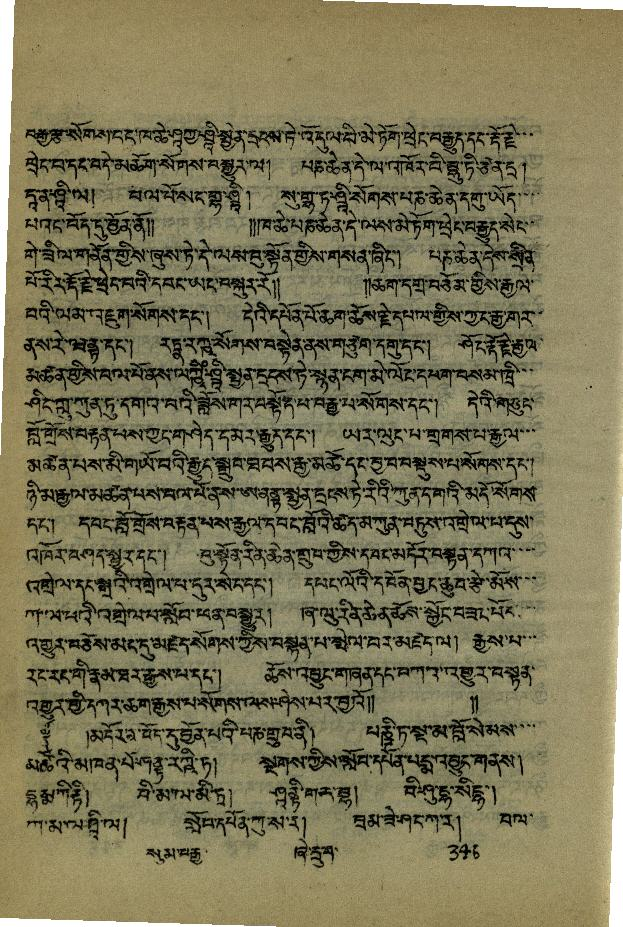བརྒྱ་རྩ་སོགས་བང་ཁ་ཆེ་ཤཱཀྱ་ཤྲཱི་སྤྱན་དྲངས་ཏེ་འོ་དུལ་བི་མེ་ཏོག་ཕྲེང་བརྒྱུད་དང་རྡོ་རྗེ་
ཕྲེང་བ་དང་བདེ་མཆོག་སོགས་བསྒྱུར་ལ། པཎ་ཆེན་དེ་ལ་འཁོར་བི་བྷུ་ཏི་ཙན་དྲ།
དཱ་ན་ཤྲཱི་ལ། བལ་པོ་སང་གྷ་ཤྲཱི། སུ་གྷ་ཏ་ཤྲཱི་སོགས་པཎ་ཆེན་དགུ་ཡོད་
པའང་བོད་དུ་བྱོན་ནོ།། །།ཁ་ཆེ་པཎ་ཆེན་དེ་ལས་མེ་ཏོག་ཕྲེང་བརྒྱུད་སེང་
གེ་ཟིལ་གནོན་གྱིས་ཞུས་ཏེ་དེ་ལས་བུ་སྟོན་གྱིས་གསན་ཞིང་། པཎ་ཆེན་དེས་སྲིན་
པོ་རིར་རྡོ་རྗེ་ཕྲེང་བའི་དབང་ཡང་བསྐུར་རོ།། །།ཆག་དགྲ་བཅོམ་གྱིས་རྒྱལ་
བའི་ལམ་འཇུག་སོགས་དང་། དེའི་དཔོན་པོ་ཆག་ཆོས་རྗེ་དཔལ་གྱིས་ཀྱང་རྒྱ་གར་
ནས་རེ་ཝནྟ་དང་། རཏྣ་རཀྵ་སོགས་བསྟེན་ནས་གཙུག་དགུ་དང་། ཤོང་རྡོ་རྗེ་རྒྱལ་
མཚན་གྱིས་བལ་པོ་ནས་ལཀྵིཾ་ཤྲཱི་སྤྱན་དྲངས་ཏེ་སྙན་ངག་མེ་ལོང་དཔག་བསམ་ཁྲི་
ཤིང་ཀླུ་ཀུན་ཏུ་དགའ་བའི་ཟློས་གར་བསྟོད་པ་བརྒྱ་པ་སོགས་དང་། དེའི་གཅུང་
བློ་གྲོས་བརྟན་པས་ཀྱང་གཤེད་དམར་རྒྱུད་དང་། ཡར་ལུང་པ་གྲགས་པ་རྒྱལ་
མཚན་པས་མི་གཡོ་བའི་རྒྱུད་སྒྲུབ་ཐབས་རྒྱ་མཚོ་དང་བྱ་བ་བསྡུས་པ་སོགས་དང་།
ཉི་མ་རྒྱལ་མཚན་པས་བལ་པོ་ནས་ཨ་ནནྟ་སྤྱན་དྲངས་ཏེ་རིའི་ཀུན་དགའི་མདོ་སོགས་
དང་། དབང་བློ་གྲོས་བརྟན་པས་རྒྱལ་དབང་བློའི་ཚད་མ་ཀུན་བཏུས་འགྲེལ་པ་དུས་
འཁོར་བཤད་སྦྱར་དང་། བུ་སྟོན་རིན་ཆེན་གྲུབ་ཀྱིས་དབང་མདོར་བསྟན་དཀའ་
འགྲེལ་དང་སྒྲའི་འགྲེལ་པ་དུར་སེང་དང་། དཔང་ལོའི་དབོན་བྱང་ཆུབ་རྩེ་མོས་
ཀ་ལ་པའི་འགྲེལ་པ་སློབ་ཕན་བསྒྱུར། ཞ་ལུ་རིན་ཆེན་ཆོས་སྐྱོང་བཟང་པོས་
འགྱུར་བཅོས་མང་དུ་མཛད་སོགས་ཀྱིས་བསྟན་པ་སྤེལ་བར་མཛད་ལ། རྒྱས་པ་
རང་རང་གི་རྣམ་ཐར་རྒྱས་པ་དང་། ཆོས་འབྱུང་གཞན་དང་བཀའ་འགྱུར་བསྟན་
འགྱུར་གྱི་དཀར་ཆག་རྒྱས་པ་སོགས་ལས་ཤེས་པར་བྱའོ།། །།
༈ །མདོར་ན་བོད་དུ་བྱོན་པའི་པཎ་གྲུབ་ནི། པཎྜི་ཏ་སྔ་མ་བློ་སེམས་
མཚོའི་མཁན་པོ་ཤནྟ་རཀྵི་ཏ། སྔགས་ཀྱིས་སློབ་དཔོན་པདམ་འབྱུང་གནས།
དྷམྨ་ཀིརྟི། བི་མ་ལ་མི་ཏྲ། ཤཱནྟི་གར་བྷ། བི་ཤུ་དྷ་སིདྡྷ།
ཀ་མ་ལ་ཤྲཱི་ལ། སློབ་དཔོན་ཀུ་ས་ར། བྲམ་ཟེ་ཤང་ཀ་ར། བལ་